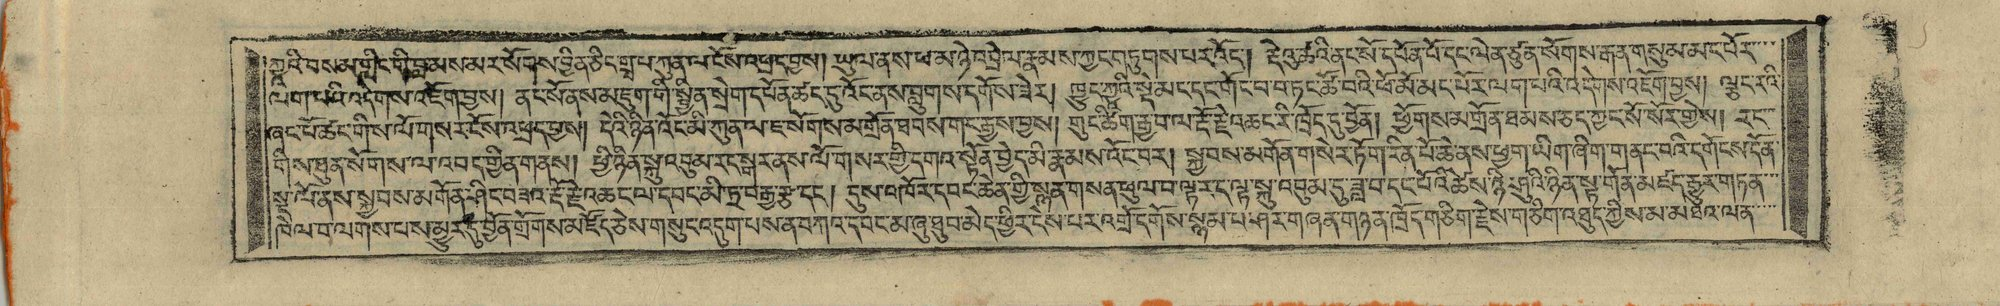ཀྱཱའི་བསམ་གླིང་གི་བླ་མས་མར་སོགས་བྱིན་ཅིང་གྲྭ་པ་ཀུན་ལ་ངོས་འཕྲད་བྱས། ཡུལ་ནས་ཕ་མ་ཉེ་འབྲེལ་རྣམས་ཀྱང་གཏུགས་པར་འོད། རྡེའུ་ཚའི་ནང་སོ་དཔོན་པོ་དང་ལེན་ཙུན་སོགས་རྒན་གསུམ་མང་པོར་
ལག་པའི་འདེགས་འཇོག་བྱས། ནང་སོ་ནས་མཇུག་གི་སྦྱིན་སྲེག་དཔོན་ཚང་དུ་འོང་ནས་བླུགས་དགོས་ཟེར། ཁྱུང་ཀྱཱའི་སྡེ་མང་དང་གོང་པ་བཏང་ཚོ་བའི་ཕོ་མོ་མང་པོར་ལག་པའི་འདེགས་འཇོག་བྱས། ལྕང་རའི་
ཞང་པོ་ཚང་གིས་ལོ་གསར་ངོས་འཕྲད་བྱས། དེའི་ཉིན་འོང་མི་ཀུན་ལ་ཇ་སོགས་མགྲོན་ཐབས་གང་རྒྱས་བྱས། གུང་ཚིག་རྒྱ་བ་ལ་རྡོ་རྗེ་འཆང་རི་ཁྲོད་དུ་བྱོན། ཕྱོགས་མགྲོན་ཐམས་ཅད་ཀྱང་སོ་སོར་གྱེས། རང་
གིས་ཐུན་སོགས་ལ་འབད་གྱིན་གནས། ཕྱི་ཉིན་སྐུ་འབུམ་རང་སྒར་ནས་ལོ་གསར་གྱི་དགའ་སྟོན་བྱེད་མི་རྣམས་འོང་བར། སྐྱབས་མགོན་གསེར་ཏོག་རིན་པོ་ཆེ་ནས་ཕྱག་ཡིག་ཞིག་གནང་བའི་དགོངས་དོན་
སྡ་ལོ་ནས་སྐྱབས་མགོན་ཤིང་བཟའ་རྡོ་རྗེ་འཆང་ལ་དབང་མི་ཏྲ་བརྒྱ་རྩ་དང་། དུས་འཁོར་དབང་ཆེན་གྱི་སྙན་གསན་ཕུལ་བ་ལྟར་ད་ལྟ་སྐུ་འབུམ་དུ་ཟླ་བ་དང་པོའི་ཚེས་ཉི་ཤུའི་ཉིན་སྟ་གོན་མཛད་རྒྱུར་གཏན་
ཁེལ་བ་ལགས་པས་མྱུར་དུ་བྱོན་གྲོགས་མཛོད་ཅེས་གསུང་འདུག་པས་ན་བཀའ་དབང་མ་ཞུ་ཐུབ་མེད་ཕྱིར་ངེས་པར་འགྲོ་དགོས་སྙམ་པ་ཤར་གཞན་གཉན་ཁྲོད་གཅིག་རྗེས་གཅིག་འཐུད་ཀྱིས་མ་མཐའ་ལན་